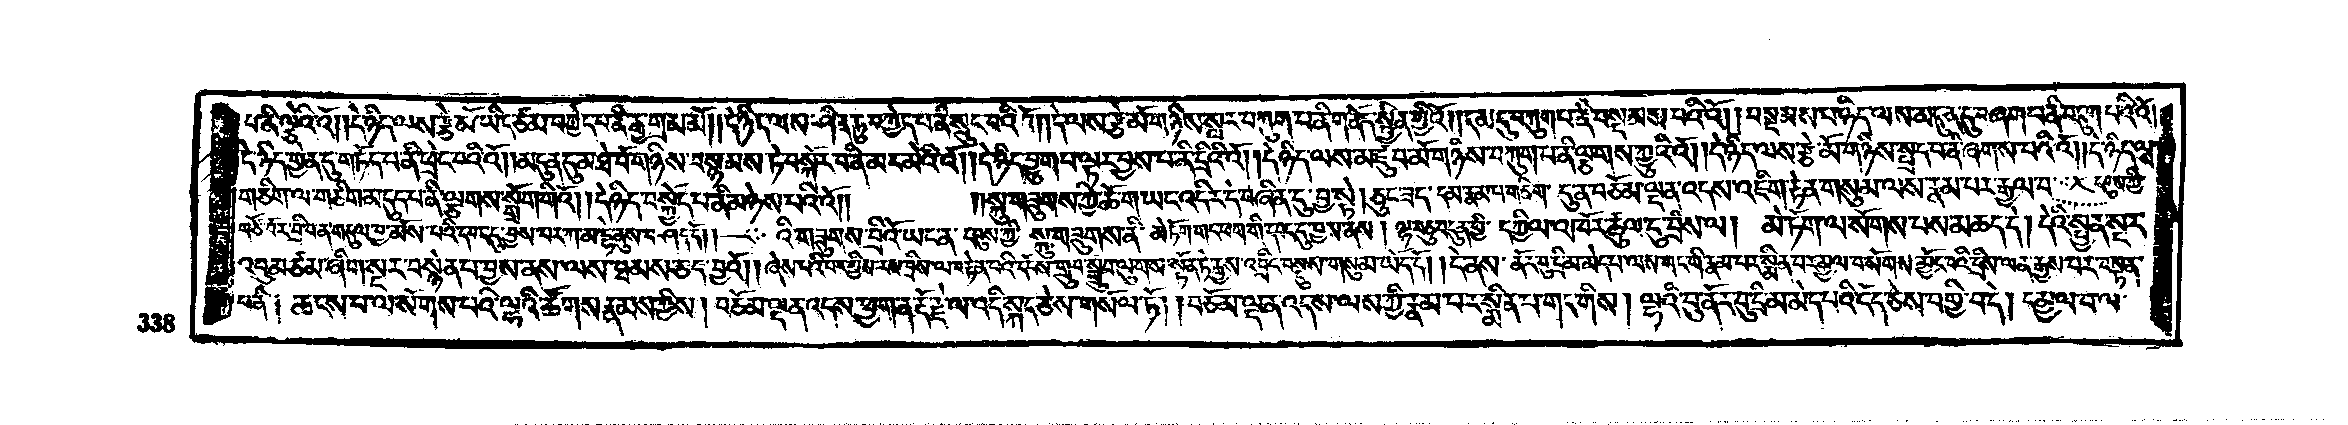པ་ནི་ལྕེའི་འོ། །དེ་ཉིད་ལས་རྩེ་མོ་ཡིད་ཙམ་བཀྱེད་པ་ནི་རྒྱ་གྲམ་མོ། །དེ་ཉིད་ལས་ཤིན་ཏུ་བཀྱེད་པ་ནི་སྲུང་བའི་འོ། །དེ་ལས་རྩེ་མོ་གཉིས་སླར་བཀུག་པ་ནི་གནོད་སྦྱིན་གྱིའོ། །དམ་དུ་བཀུག་པ་ནི་བསྡམས་པའི་འོ། །བསྡམས་པ་ཉིད་ལས་མདུན་དུ་བཞག་པ་ནི་བདུག་པའི་འོ། །
དེ་ཉིད་གྱེན་དུ་གཏོད་པ་ནི་ཕྲེང་བའི་འོ། །མདུན་དུ་མཐེ་བོ་གཉིས་བསྙམས་ཏེ་བསྐོར་བ་ནི་མར་མེའི་འོ། །དེ་ཉིད་བྱུག་པ་ལྟར་བྱས་པ་ནི་དྲིའི་འོ། །དེ་ཉིད་ལས་མཛུབ་མོ་གཉིས་བཀུག་པ་ནི་ལྕགས་ཀྱུའི་འོ། །དེ་ཉིད་ལས་རྩེ་མོ་གཉིས་སྤྲད་པ་ནི་ཞགས་པའི་འོ། །དེ་ཉིད་ལས་
གཅིག་ལ་གཅིག་མདུད་པ་ནི་ལྕགས་སྒྲོག་གིའོ། །དེ་ཉིད་བསྐྱོད་པ་ནི་མཉེས་པའི་འོ།། །།སྐུ་གཟུགས་ཀྱི་ཆོ་ག་ཡང་འདིར་དེ་བཞིན་དུ་བྱ་སྟེ། ཅུང་ཟད་དམ་རྣམ་པ་གཅིག་དུ་ན་བཅོམ་ལྡན་འདས་འཇིག་རྟེན་གསུམ་ལས་རྣམ་པར་རྒྱལ་བ་H.་དབུས་ཀྱི་
གཙོ་བོར་བྲི་བ་ནི་གདུལ་བྱ་མོས་པའི་དབང་དུ་བྱས་པར་ཀ་མ་དྷེ་ནུས་བཤད་དོ།། .H འི་གཟུགས་བྲིའོ་ཡང་ན་དབུས་ཀྱི་སྐུ་གཟུགས་ནི་མེ་ཏོག་གང་ཕག་གི་དབང་དུ་བྱས་ནས། ལྷ་བཅུ་བདུན་གྱི་དཀྱིལ་འཁོར་ཚུལ་དུ་བྲིས་ལ། མེ་ཏོག་ལ་སོགས་པས་མཆད་དེ། དེའི་སྤྱན་སྔར་
འབུམ་ཙམ་ཞིག་སྔར་བསྙེན་པ་བྱས་ནས་ལས་ཐམས་ཅད་བྱའོ། །ཞེས་པའི་བར་གྱིས་རས་བྲིས་ལ་བརྟེན་པའི་དངོས་གྲུབ་སྒྲུབ་ལུགས་སྟོན་ཏེ་རྒྱས་འབྲིང་བསྡུས་གསུམ་ཡོད་དོ།  །དེ་ནས་ནོར་བུ་དྲི་མ་མེད་པ་ལས་གང་གི་རྣམ་པར་སྨིན་པར་མྱལ་བ་སོགས་མྱོང་བའི་དྲིས་ལན་རྒྱས་པར་བསྟན་
པ་ནི། ཚངས་པ་ལ་སོགས་པའི་ལྷའི་ཚོགས་རྣམས་ཀྱིས། བཅོམ་ལྡན་འདས་ཕྱག་ན་རྡོ་རྗེ་ལ་འདི་སྐད་ཅེས་གསོལ་ཏོ། །བཅོམ་ལྡན་འདས་ལས་ཀྱི་རྣམ་པར་སྨིན་པ་གང་གིས། ལྷའི་བུ་ནོར་བུ་དྲི་མ་མེད་པའི་འོད་ཅེས་བགྱི་བ་དེ། དམྱལ་བ་ལ་